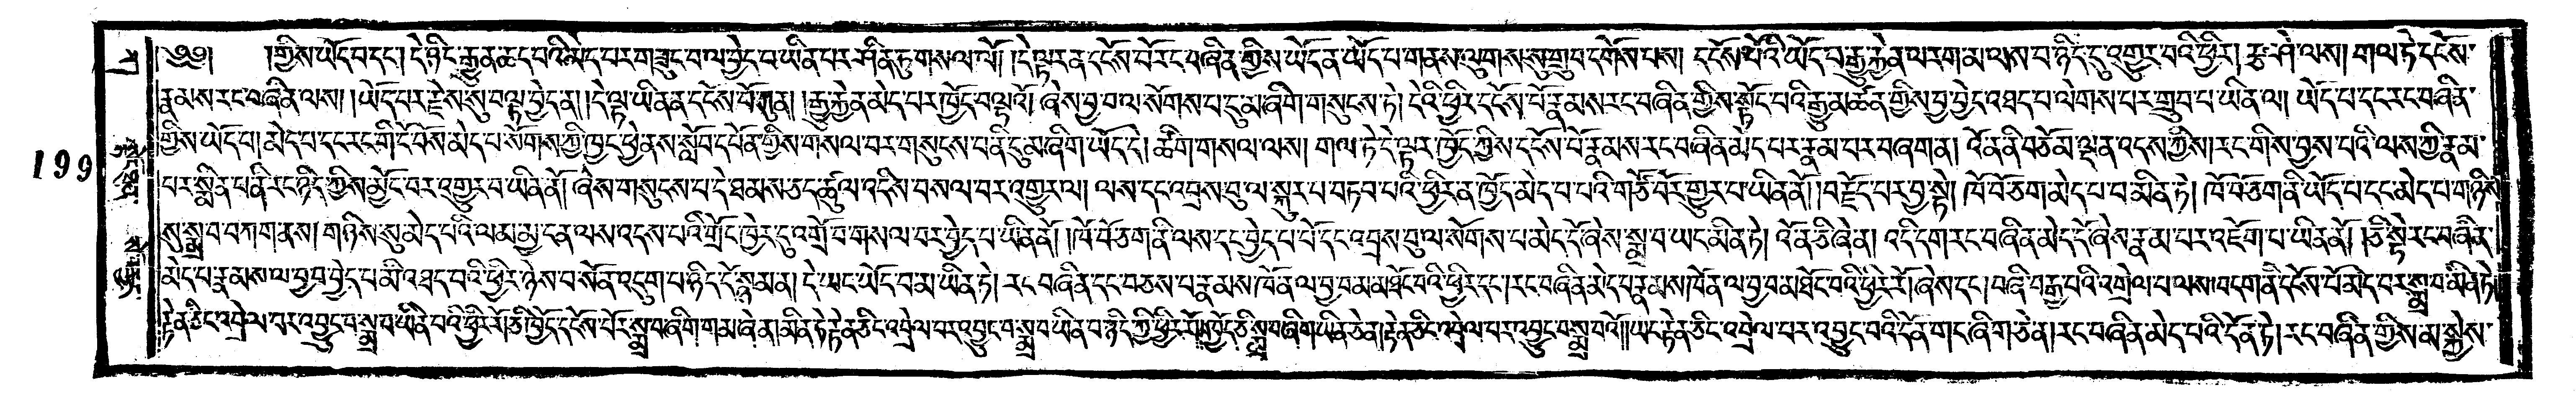༄༅། །གྱིས་ཡོད་པ་དང་། དེ་ཉིད་རྒྱུན་ཆད་པའི་མེད་པར་གཟུང་བ་ལ་བྱེད་པ་ཡིན་པར་ཤིན་ཏུ་གསལ་ལོ། །དེ་ལྟར་ན་དངོས་པོ་རང་བཞིན་གྱིས་ཡོད་ན་ཡོད་པ་གནས་ལུགས་སུ་གྲུབ་དགོས་པས། དངོས་པོའི་ཡོད་བ་རྒྱུ་རྐྱེན་ལ་རག་མ་ལས་བ་ཉིད་དུ་འགྱུར་བའི་ཕྱིར། རྩ་ཤེ་ལས། གལ་ཏེ་དངོས་
རྣམས་རང་བཞིན་ལས། །ཡོད་པར་རྗེས་སུ་བལྟ་བྱེད་ན། །དེ་ལྟ་ཡིན་ན་དངོས་པོ་ཀུན། །རྒྱུ་རྐྱེན་མེད་པར་ཁྱོད་བལྟའོ། ཞེས་བྱ་བ་ལ་སོགས་པ་དུ་མ་ཞིག་གསུངས་ཏེ། དེའི་ཕྱིར་དངོས་པོ་རྣམས་རང་བཞིན་གྱིས་སྟོང་པའི་རྒྱུ་མཚན་གྱིས་བྱ་བྱེད་འཐད་པ་ལེགས་པར་གྲུབ་པ་ཡིན་ལ། ཡོད་པ་དང་རང་བཞིན་
གྱིས་ཡོད་བ། མེད་པ་དང་རང་གི་ངོ་བོས་མེད་པ་སོགས་ཀྱི་ཁྱད་ཕྱེ་ནས་སློབ་དཔོན་གྱིས་གསལ་བར་གསུངས་པ་ནི་དུ་མ་ཞིག་ཡོད་དེ། ཚིག་གསལ་ལས། གལ་ཏེ་དེ་ལྟར་ཁྱོད་ཀྱིས་དངོས་པོ་རྣམས་རང་བཞིན་མེད་པར་རྣམ་པར་བཞག་ན། འོ་ན་ནི་བཅོམ་ལྡན་འདས་ཀྱིས། རང་གིས་བྱས་པའི་ལས་ཀྱི་རྣམ་
པར་སྨིན་པ་ནི་རང་ཉིད་ཀྱིས་མྱོང་བར་འགྱུར་བ་ཡིན་ནོ། ཞེས་གསུངས་པ་དེ་ཐམས་ཅད་ཚུལ་འདིས་བསལ་བར་འགྱུར་ལ། ལས་དང་འབྲས་བུ་ལ་སྐུར་བ་བཏབ་པའི་ཕྱིར་ན་ཁྱོད་མེད་པ་པའི་གཙོ་བོར་གྱུར་བ་ཡིན་ནོ། །བརྗོད་པར་བྱ་སྟེ། ཁོ་བོ་ཅག་མེད་པ་བ་མིན་ཏེ། ཁོ་བོ་ཅག་ནི་ཡོད་པ་དང་མེད་པ་གཉིས་
སུ་སྨྲ་བ་བཀག་ནས། གཉིས་སུ་མེད་པའི་ལམ་མྱ་ངན་ལས་འདས་པའི་གྲོང་ཁྱེར་དུ་འགྲོ་བ་གསལ་བར་བྱེད་པ་ཡིན་ནོ། །ཁོ་བོ་ཅག་ནི་ལས་དང་བྱེད་པ་པོ་དང་འབྲས་བུ་ལ་སོགས་པ་མེད་དོ་ཞེས་སྨྲ་བ་ཡང་མིན་ཏེ། འོ་ན་ཅི་ཞེ་ན། འདི་དག་རང་བཞིན་མེད་དོ་ཞེས་རྣམ་པར་འཇོག་པ་ཡིན་ནོ། །ཅི་སྟེ་རང་བཞིན་
མེད་པ་རྣམས་ལ་བྱ་བ་བྱེད་པ་མི་འཐད་པའི་ཕྱིར་ཉེས་པ་སོན་འདུག་པ་ཉིད་དོ་སྙམ་ན། དེ་ཡང་ཡོད་པ་མ་ཡིན་ཏེ། རང་བཞིན་དང་བཅས་པ་རྣམས་ཁོ་ནལ་བྱ་བ་མ་མཐོང་བའི་ཕྱིར་དང་། རང་བཞིན་མེད་པ་རྣམས་ཁོན་ལ་བྱ་བ་མཐོང་བའི་ཕྱིར་རོ། ཞེས་དང་། བཞི་བརྒྱ་པའི་འགྲེལ་པ་ལས་བདག་ནི་དངོས་པོ་མེད་བར་སྨྲ་བ་མིན་ཏེ་
རྟེན་ཅིང་འབྲེལ་བར་འབྱུང་བ་སྨྲ་བ་ཡིན་པའི་ཕྱིར་རོ། ཅི་ཁྱོད་དངོས་པོར་སྨྲ་བ་ཞིག་གམ་ཞེ་ན། མིན་ཏེ་རྟེན་ཅིང་འབྲེལ་པར་འབྱུང་བ་སྨྲ་བ་ཡིན་པ་ཉིད་ཀྱི་ཕྱིར་རོ། །ཁྱོད་ཅི་སྨྲ་བ་ཞིག་ཡིན་ཅེ་ན། རྟེན་ཅིང་འབྲེལ་པར་འབྱུང་བ་སྨྲ་བའོ། །ཡང་རྟེན་ཅིང་འབྲེལ་པར་འབྱུང་བའི་དོན་གང་ཞིག་ཅེ་ན། རང་བཞིན་མེད་པའི་དོན་ཏེ། རང་བཞིན་གྱིས་མ་སྐྱེས་